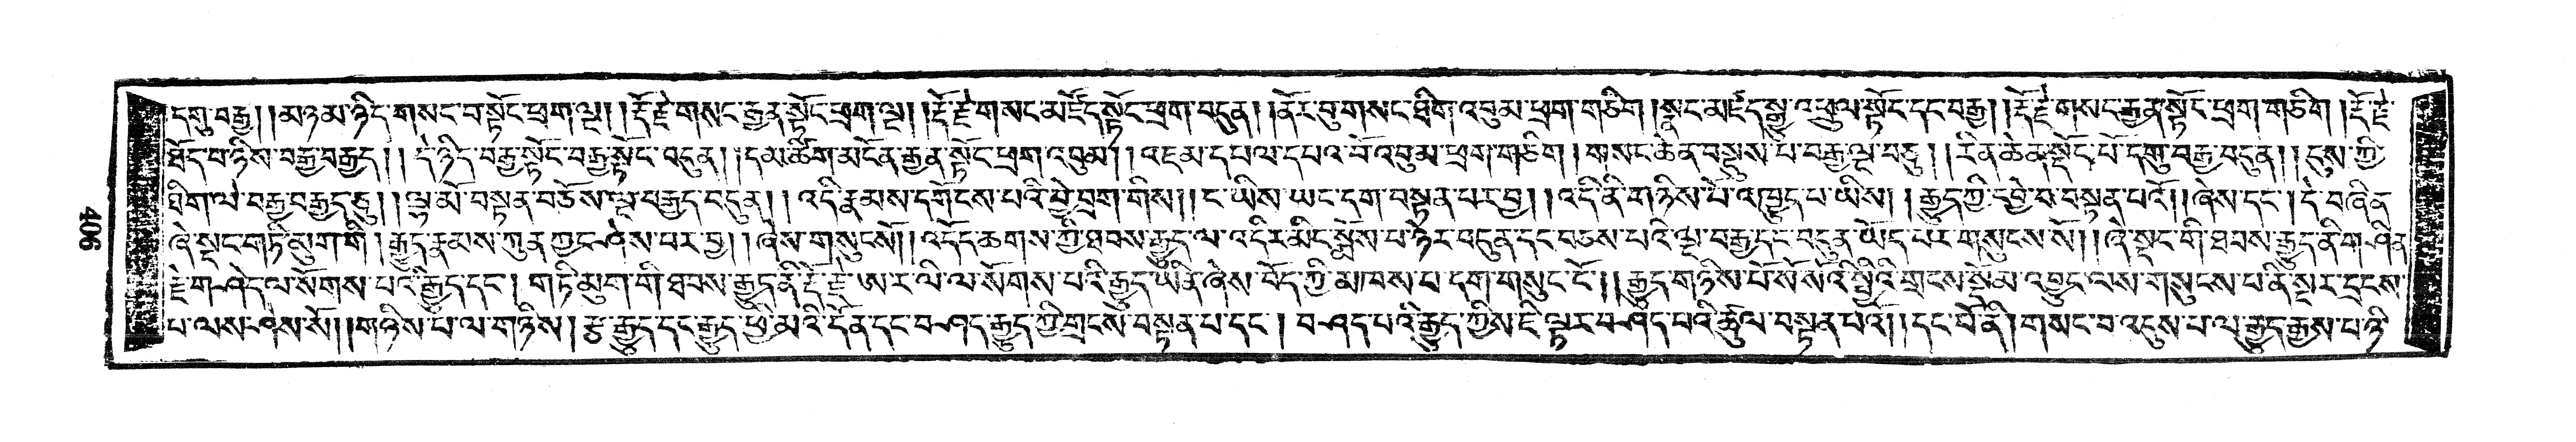དགུ་བརྒྱ། །མཉམ་ཉིད་གསང་བ་སྟོང་ཕྲག་ལྔ། །རྡོ་རྗེ་གསང་རྒྱན་སྟོང་ཕྲག་ལྔ། །རྡོ་རྗེ་གསང་མཛོད་སྟོང་ཕྲག་བདུན། །ནོར་བུ་གསང་ཐིག་འབུམ་ཕྲག་གཅིག །སྣང་མཛད་སྒྱུ་འཕྲུལ་སྟོང་དང་བརྒྱ། །རྡོ་རྗེ་གསང་རྒྱན་སྟོང་ཕྲག་གཅིག །རྡོ་རྗེ་
ཐོད་པ་ཉིས་བརྒྱ་བརྒྱད། །དེ་ཉིད་བརྒྱ་སྟོང་བརྒྱ་སྟོང་བདུན། །དམ་ཚིག་མངོན་རྒྱན་སྟོང་ཕྲག་འབུམ། །འཇམ་དཔལ་དཔའ་བོ་འབུམ་ཕྲག་གཅིག །གསང་ཆེན་བསྡུས་པ་བརྒྱ་ལྔ་བཅུ། །རིན་ཆེན་སྡོང་པོ་དགུ་བརྒྱ་བདུན། །དུས་ཀྱི་
ཐིག་ལ་བརྒྱ་བརྒྱད་ཅུ། །ལྷ་མོ་བསྟན་བཅོས་ལྔ་བརྒྱད་བདུན། །འདི་རྣམས་དགོངས་པའི་བྱེ་བྲག་གིས། །ང་ཡིས་ཡང་དག་བསྟན་པར་བྱ། །འདི་ནི་གཉིས་པོ་འཁྱུད་པ་ཡིས། །རྒྱུད་ཀྱི་དབྱེ་བ་བསྟན་པའོ། །ཞེས་དང་། དེ་བཞིན་
ཞེ་སྡང་གཏི་མུག་གི །རྒྱུད་རྣམས་ཀུན་ཀྱང་ཤེས་པར་བྱ། །ཞེས་གསུངས་སོ། །འདོད་ཆགས་ཀྱི་ཐབས་རྒྱུད་ལ་འདིར་མིང་སྨོས་པ་ཉེར་བདུན་དང་བཅས་པའི་ལྔ་བརྒྱ་དང་བདུན་ཡོད་པར་གསུངས་སོ། །ཞེས་སྡང་གི་ཐབས་རྒྱུད་ནི་གཤིན་
རྗེ་གཤེད་ལ་སོགས་པའི་རྒྱུད་དང་། གཏི་མུག་གི་ཐབས་རྒྱུད་ནི་རྡོ་རྗེ་ཨ་ར་ལི་ལ་སོགས་པའི་རྒྱུད་ཡིན་ཞེས་བོད་ཀྱི་མཁས་པ་དག་གསུང་ངོ། །རྒྱུད་གཉིས་པོ་སོ་སོའི་སྤྱིའི་གྲངས་སྡོམ་འབྱུང་ལས་གསུངས་པ་ནི་སྔར་དྲངས་
པ་ལས་ཤེས་སོ། །གཉིས་པ་ལ་གཉིས། །རྩ་རྒྱུད་དང་རྒྱུད་ཕྱི་མའི་དོན་དང་བཤད་རྒྱུད་ཀྱི་གྲངས་བསྟན་པ་དང་། བཤད་པའི་རྒྱུད་ཀྱིས་ཇི་ལྟར་བཤད་པའི་ཚུལ་བསྟན་པའོ། །དང་པོ་ནི། གསང་བ་འདུས་པ་ལ་རྒྱུད་རྒྱས་པ་ཉི་